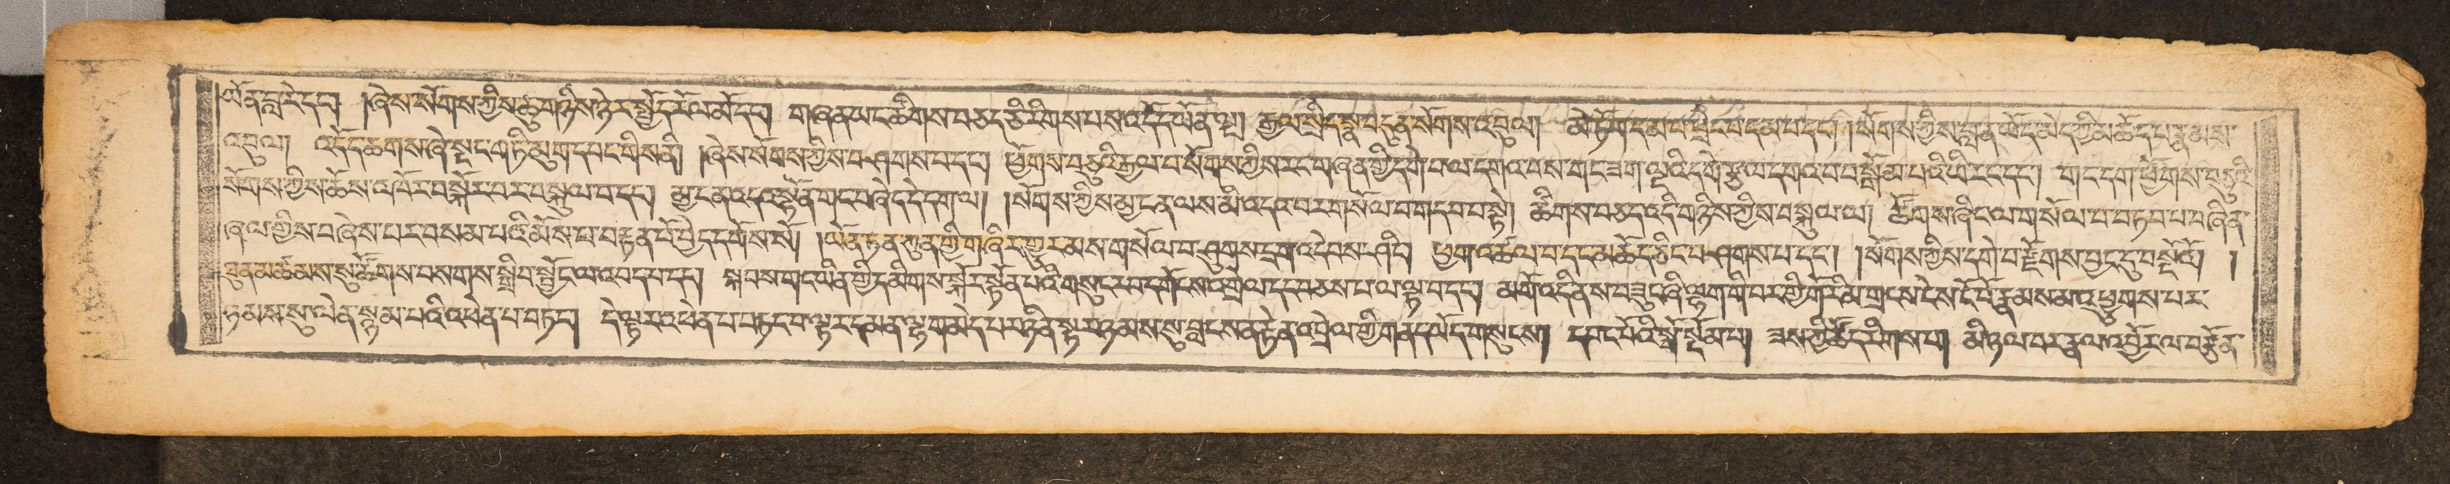ཡོན་བླ་རེ་དང་། །ཞེས་སོགས་ཀྱིས་ཆུ་གཉིས་ཉེར་སྤྱོད་རོལ་མོ་དང་། གཞན་ཡང་ཚིགས་བཅད་ཅི་རིགས་པས་འདོད་ཡོན་ལྔ། རྒྱལ་སྲིད་སྣ་བདུན་སོགས་འབུལ། མེ་ཏོག་དམ་པ་ཕྲེང་བ་དམ་པ་དང་། །སོགས་ཀྱིས་བླ་ན་ཡོད་མེད་ཀྱི་མཆོད་པ་རྣམས་
འབུལ། འདོད་ཆགས་ཞེ་སྡང་གཏི་མུག་དབང་གིས་ནི། །ཞེས་སོགས་ཀྱིས་བཤགས་པ་དང་། ཕྱོགས་བཅུའི་རྒྱལ་བ་སོགས་ཀྱིས་རང་གཞན་གྱི་དགེ་བ་ལ་དགའ་བས་གང་ཟག་ལྔའི་དགེ་རྩལ་དགའ་བ་བསྒོམ་པའི་ཡི་རང་དང་། གང་དག་ཕྱོགས་བཅུའི་
སོགས་ཀྱིས་ཆོས་འཁོར་བསྐོར་བར་བསྐུལ་བ་དང་། མྱ་ངན་འདའ་སྟོན་གང་བཞེད་དེ་དག་ལ། །སོགས་ཀྱིས་མྱ་ངན་ལས་མི་འདའ་བར་གསོལ་བ་གདབ་པ་སྟེ། ཚིགས་བཅད་འདི་གཉིས་ཀྱིས་བསྐུལ་ལ། ཚོགས་ཞིང་ལ་གསོལ་བ་བཏབ་པ་བཞིན་
ཞལ་གྱིས་བཞེས་པར་བསམ་པའི་མོས་པ་བརྟན་པོ་བྱེད་དགོས་སོ། །ཡོན་ཏན་ཀུན་གྱི་གཞིར་གྱུར་མས་གསོལ་བ་ཤུགས་དྲག་འདེབས་ཤིང་། ཕྱག་འཚལ་བ་དང་མཆོད་ཅིང་བཤགས་པ་དང་། །སོགས་ཀྱིས་དགེ་བ་རྫོགས་བྱང་དུ་བསྔོའོ། །
ཐུན་མཚམས་སུ་ཚོགས་བསགས་སྒྲིབ་སྦྱོང་ལ་འབད་པ་དང་། སྐབས་གང་ཡིན་གྱི་དམིགས་སྐོར་སྟོན་པའི་གསུང་རབ་དགོངས་འགྲེལ་དང་བཅས་པ་ལ་ལྟ་བ་དང་། མགོ་འདི་ནས་བཟུང་ཞི་ལྷག་གི་བར་གྱི་གོ་རིམ་གྲངས་ངེས་ངོ་བོ་རྣམས་མ་འཕྱུགས་པར་
ཉམས་སུ་ལེན་སྙམ་པའི་འཕེན་པ་བཏང་། དེ་ལྟར་འཕེན་པ་བཏང་བ་ལྟར་དམན་ལྷག་མེད་པར་ཉིན་སྟར་ཉམས་སུ་བླངས་ན་རྟེན་འབྲེལ་གྱི་གནད་ཡོད་གསུངས། དབང་པོའི་སྒོ་སྡོམ་པ། ཟས་ཀྱི་ཚོད་རིགས་པ། མི་ཉལ་བར་རྣལ་འབྱོར་ལ་བརྩོན་